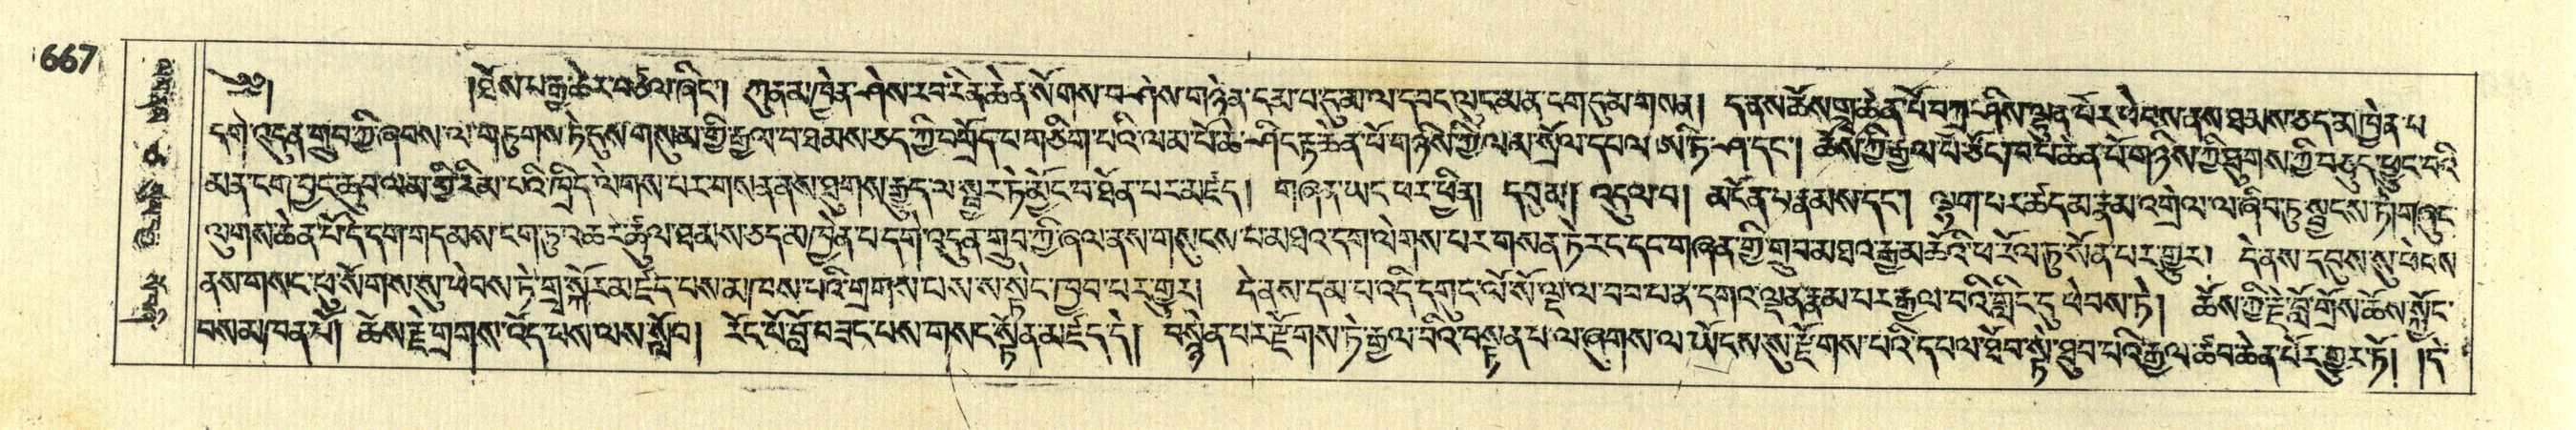༄༅། །ཐོས་པ་རྒྱ་ཆེར་བཙལ་ཞིང་། ཀུན་མཁྱེན་ཤེས་རབ་རིན་པོ་ཆེན་སོགས་བཤེས་གཉེན་དམ་པ་དུ་མ་ལ་དབང་ལུང་མན་ངག་དུ་མ་གསན། ད་ནས་ཆོས་གྲྭ་ཆེན་པོ་བཀྲ་ཤིས་ལྷུན་པོར་ཕེབས་ནས་ཐམས་ཅད་མཁྱེན་པ་
དགེ་འདུན་གྲུབ་ཀྱི་ཞབས་ལ་གཏུགས་ཏེ་དུས་གསུམ་གྱི་རྒྱལ་བ་ཐམས་ཅད་ཀྱི་བགྲོད་པ་གཅིག་པའི་ལམ་པོ་ཆེ་ཤིང་རྟ་ཆེན་པོ་གཉིས་ཀྱིས་ལམ་སྲོལ་དཔལ་ཨ་ཏི་ཤ་དང་། ཆོས་ཀྱི་རྒྱལ་པོ་ཙོང་ཁ་པ་ཆེན་པོ་གཉིས་ཀྱི་ཐུགས་ཀྱི་བཅུད་ཕྱུང་བའི་
མན་ངག་བྱང་ཆུབ་ལམ་གྱི་རིམ་པའི་ཁྲིད་ལེགས་པར་གསན་ནས་ཐུགས་རྒྱུད་ལ་སྦྱར་ཏེ་མྱོང་བ་ཐོན་པར་མཛད། གཞན་ཡང་ཕར་ཕྱིན། དབུ་མ། འདུལ་བ། མངོན་པ་རྣམས་དང་། ལྷག་པར་ཚད་མ་རྣམ་འགྲེལ་ལ་ཞིབ་ཏུ་སྦྱངས་ཏེ། གཞུང་
ལུགས་ཆེན་པོ་དེ་དག་གདམས་ངག་ཏུ་འཆར་ཚུལ་ཐམས་ཅད་མཁྱེན་པ་དགེ་འདུན་གྲུབ་ཀྱི་ཞལ་ནས་གསུངས་པ་མཐའ་དག་ལེགས་པར་གསན་ཏེ་རང་དང་གཞན་གྱི་གྲུབ་མཐའ་རྒྱ་མཚོའི་ཕ་རོལ་ཏུ་སོན་པར་གྱུར། དེ་ནས་དབུས་སུ་ཕེབས་
ནས་གསང་ཕུ་སོགས་སུ་ཕེབས་ཏེ་གྲྭ་སྐོར་མཛད་པས་མཁས་པའི་གྲགས་པས་ས་སྟེང་ཁྱབ་པར་གྱུར། དེ་ནས་དམ་པ་འདི་དགུང་ལོ་སོ་ལྔ་ལ་བབ་པ་ན་དགའ་ལྡན་རྣམ་པར་རྒྱལ་བའི་གླིང་དུ་ཕེབས་ཏེ། ཆོས་ཀྱི་རྗེ་བློ་གྲོས་ཆོས་སྐྱོང་
བས་མཁན་པོ། ཆོས་རྗེ་གྲགས་འོད་ཕས་ལས་སློབ། རོང་པོ་བློ་བཟང་པས་གསང་སྟོན་མཛད་དེ། བསྙེན་པར་རྫོགས་ཏེ་རྒྱལ་བའི་བསྟན་པ་ལ་ཞུགས་ལ་ཡོངས་སུ་རྫོགས་པའི་དཔལ་ཐོབ་སྟེ་ཐུབ་པའི་རྒྱལ་ཚབ་ཆེན་པོར་གྱུར་ཏོ། །དེ་